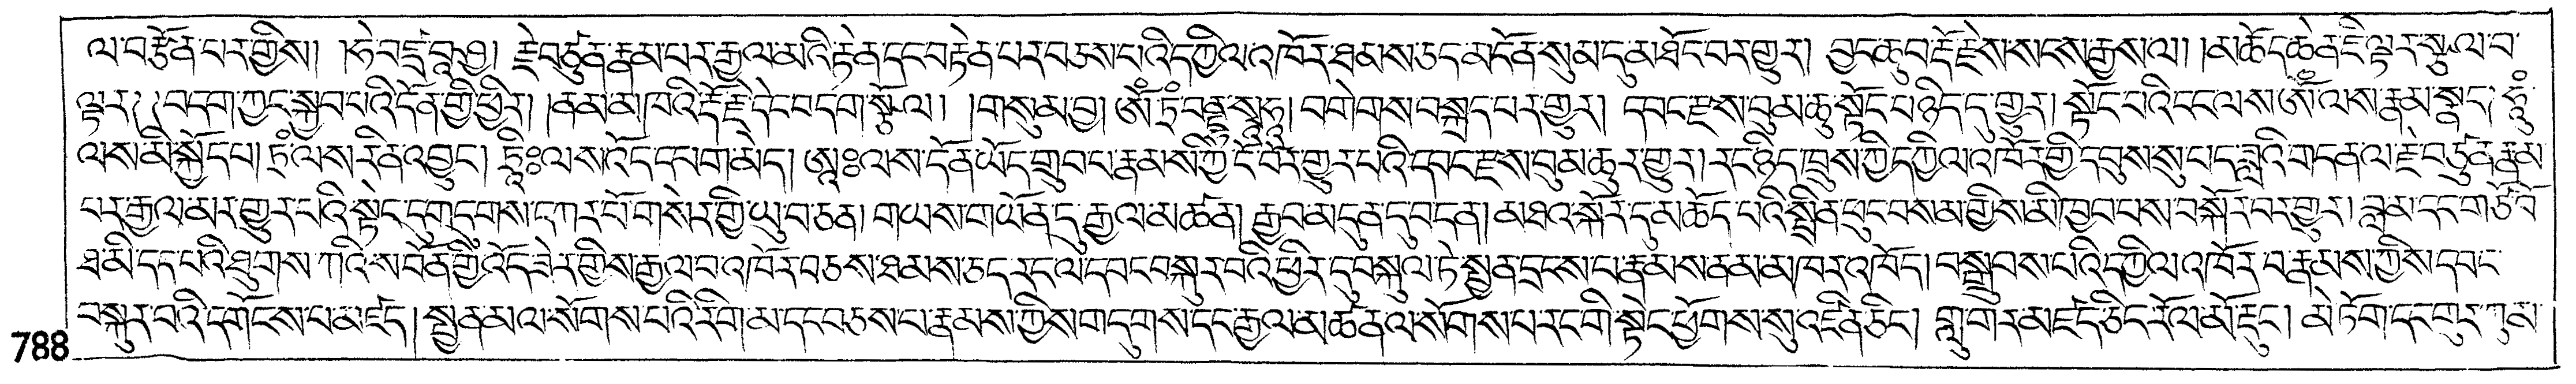ལ་བརྩོན་པར་གྱིས། །ཧེ་བཛྲ་བཱཤྱ། རྗེ་བཙུན་རྣམ་པར་རྒྱལ་མའི་རྟེན་དང་བརྟེན་པར་བཅས་པའི་དཀྱིལ་འཁོར་ཐམས་ཅད་མངོན་སུམ་དུ་མཐོང་བར་གྱུར། བྱང་ཆུབ་རྡོ་རྗེས་སངས་རྒྱས་ལ། །མཆོད་ཆེན་ཇི་ལྟར་སྩལ་བ་
ལྟར༑ ༑བདག་ཀྱང་སྐྱབ་པའི་དོན་གྱི་ཕྱིར། །ནམ་མཁའི་རྡོ་རྗེ་དེང་བདག་སྩོལ། །གསུམ་བྱ། ཨོཾ་ཏྲཾ་བནྡྷ་སྭཱཧཱ། བགེགས་བསྐྲད་པར་གྱུར། དབང་རྫས་བུམ་ཆུ་སྟོང་པ་ཉིད་དུ་གྱུར། སྟོང་པའི་ངང་ལས་ཨོཾ་ལས་རྣམ་སྣང༑ ཧཱུཾ་
ལས་མི་སྐྱོད་པ། ཏྲཾ་ལས་རིན་འབྱུང་། ཏྲཱིཿ ལས་འོད་དཔག་མེད། ཨཱཿ ལས་དོན་ཡོད་གྲུབ་པ་རྣམས་ཀྱི་ངོ་བོར་གྱུར་པའི་དབང་རྫས་བུམ་ཆུར་གྱུར། རང་ཉིད་ཁྲུས་ཀྱི་དཀྱིལ་འཁོར་གྱི་དབུས་སུ་པད་ཟླའི་གདན་ལ་རྗེ་བཙུན་རྣམ་
པར་རྒྱལ་མར་གྱུར་པའི་སྟེང་དུ་གདུགས་དཀར་པོ་གསེར་གྱི་ཡུ་བ་ཅན། གཡས་གཡོན་དུ་རྒྱལ་མཚན། རྒྱབ་མདུན་དུ་བ་དན། མཐའ་སྐོར་དུ་མཆོད་པའི་སྤྲིན་ཕུང་བསམ་གྱིས་མི་ཁྱབ་པས་བསྐོར་བར་གྱུར། བླ་མ་དང་གཙོ་བོ་
ཐ་མི་དད་པའི་ཐུགས་ཀའི་ས་བོན་གྱི་འོད་ཟེར་གྱིས་རྒྱལ་བ་འཁོར་བཅས་ཐམས་ཅད་རང་ལ་དབང་བསྐུར་བའི་ཕྱིར་དུ་བསྐུལ་ཏེ་སྤྱན་དྲངས་པ་རྣམས་ནམ་མཁར་འཁོད། བསྒྲུབས་པའི་དཀྱིལ་འཁོར་བ་རྣམས་ཀྱིས་དབང་
བསྐུར་བའི་དགོངས་པ་མཛད། སྤྱན་མ་ལ་སོགས་པའི་རིག་མ་དང་བཅས་པ་རྣམས་ཀྱིས་གདུགས་དང་རྒྱལ་མཚན་ལ་སོགས་པ་རང་གི་སྟེང་ཕྱོགས་སུ་འཛིན་ཅིང་། གླུ་གར་མཛད་ཅིང་རོལ་མོ་རྡུང་། མེ་ཏོག་དང་གུར་ཀུམ་